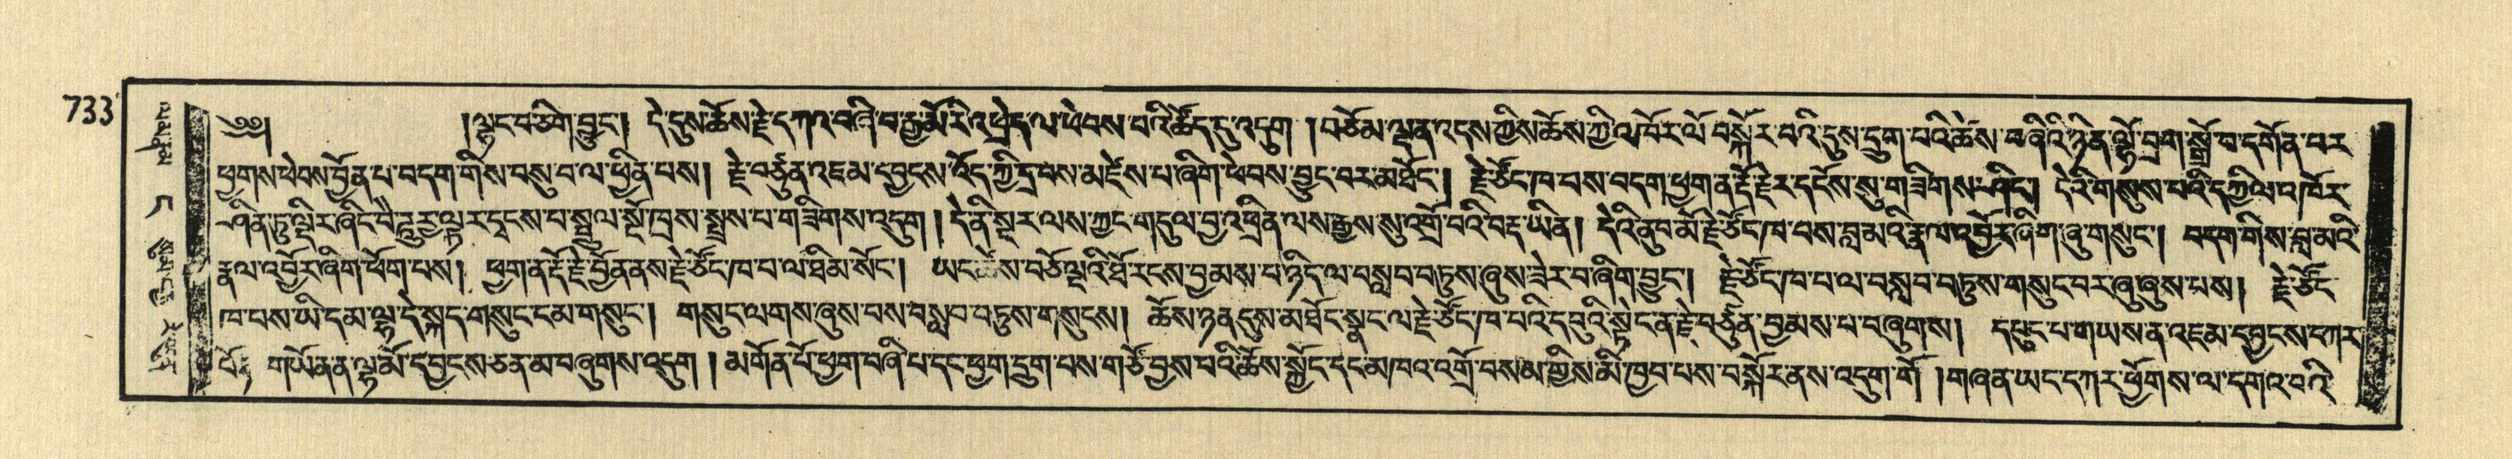༄༅། །ལྷང་བ་ཅིག་བྱུང་། དེ་དུས་ཆོས་རྗེ་དཀའ་བཞི་བ་རྒྱ་མོ་རི་འཕྲེད་ལ་ཕེབས་པའི་ཚོད་དུ་འདུག །བཅོམ་ལྡན་འདས་ཀྱིས་ཆོས་ཀྱི་འཁོར་ལོ་བསྐོར་བའི་དུས་དྲུག་པའི་ཚེས་བཞིའི་ཉིན་ལྷོ་བྲག་སྒྲོ་བ་དགོན་པར་
ཕྱགས་ཕེབས་བྱོན་པ་བདག་གིས་བསུ་བ་ལ་ཕྱིན་པས། རྗེ་བཙུན་འཇམ་དབྱངས་འོད་ཀྱི་དྲ་བས་མཛེས་པ་ཞིག་ཕེབས་བྱུང་བར་མཐོང་། རྗེ་ཙོང་ཁ་བས་བདག་ཕྱག་ན་རྡོ་རྗེར་དངོས་སུ་གཟིགས་ཤིང་། དེའི་གསུས་པའི་དཀྱིལ་འཁོར་
ཤིན་ཏུ་ལྡིར་ཞིང་བཻ་ཌཱུརྱ་ལྟར་དྭངས་པ་སྦྲུལ་སྔོ་ཁྲས་སྤྲས་པ་གཟིགས་འདུག །དེ་ནི་སྔར་ལས་ཀྱང་གདུལ་བྱ་འཕྲིན་ལས་རྒྱས་སུ་འགྲོ་བའི་བརྡ་ཡིན། དེའི་ནུབ་མོ་རྗེ་ཙོང་ཁ་བས་བླ་མའི་རྣལ་འབྱོར་ཞིག་ཞུ་གསུང་། བདག་གིས་བླ་མའི་
རྣལ་འབྱོར་ཞིག་ཕོག་པས། ཕྱག་ན་རྡོ་རྗེ་བྱོན་ནས་རྗེ་ཙོང་ཁ་པ་ལ་ཐིམ་སོང་། ཡང་ཚེས་བཅོ་ལྔའི་ཐོ་རངས་བྱམས་པ་ཉིད་ལ་བསླབ་བཏུས་ཞུས་ཟེར་བ་ཞིག་བྱུང་། རྗེ་ཙོང་ཁ་པ་ལ་བསླབ་བཏུས་གསུང་བར་ཞུ་ཞུས་པས། རྗེ་ཙོང་
ཁ་པས་ཡི་དམ་ལྷ་དེ་སྐད་གསུང་ངམ་གསུང་། གསུང་ལགས་ཞུས་པས་བསླབ་བཏུས་གསུངས། ཆོས་ཉན་དུས་མཐོང་སྣང་ལ་རྗེ་ཙོང་ཁ་པའི་དབུའི་སྟེང་ན་རྗེ་བཙུན་བྱམས་པ་བཞུགས། དཔུང་པ་གཡས་ན་འཇམ་དབྱངས་དཀར་
བོ༑ གཡོན་ན་ལྷ་མོ་དབྱངས་ཅན་མ་བཞུགས་འདུག། མགོན་པོ་ཕྱག་བཞི་པ་དང་ཕྱག་དྲུག་པས་གཙོ་བྱས་པའི་ཆོས་སྐྱོང་དང་མཁའ་འགྲོ་བསམ་གྱིས་མི་ཁྱབ་པས་བསྐོར་ནས་འདུག་གོ །གཞན་ཡང་དཀར་ཕྱོགས་ལ་དགའ་བའི་